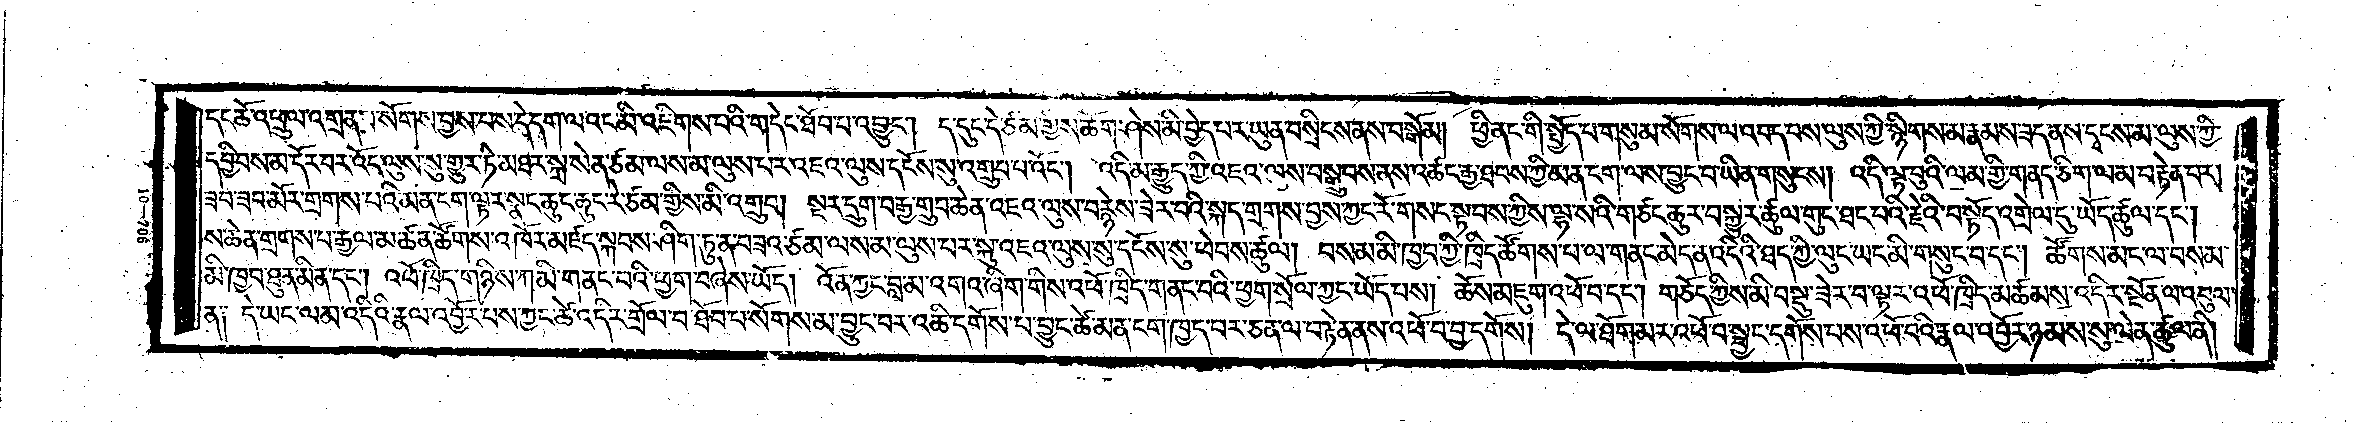དང་ཆོ་འཕྲུལ་འགྲན་པ་སོགས་བྱས་བས་དེ་དག་ལའང་མི་འཇིགས་པའི་གདེང་ཐོབ་པ་འབྱུང་། ད་དུང་དེ་ཙམ་གྱིས་ཆོག་ཤེས་མི་བྱེད་པར་ཡུན་བསྲིངས་ནས་བསྒོམ། ཕྱི་ནང་གི་སྤྱོད་པ་གསུམ་སོགས་ལ་འབད་པས་ལུས་ཀྱི་སྙིགས་མ་རྣམས་ཟད་ནས་དྭངས་མ་ལུས་ཀྱི་
དབྱིབས་མ་དོར་བར་འོད་ལུས་སུ་གྱུར་ཏེ་མཐར་སྐྲ་སེན་ཙམ་ལས་མ་ལུས་པར་འཇའ་ལུས་དངོས་སུ་འགྲུབ་པ་འོང་། འདི་མ་རྒྱུད་ཀྱི་འཇའ་ལུས་བསྒྲུབས་ནས་འཚང་རྒྱ་ཐབས་ཀྱི་མན་ངག་ལས་བྱུང་བ་ཡིན་གསུངས། འདི་ལྟ་བུའི་ལམ་གྱི་གནད་ཅིག་ལ་མ་བརྟེན་པར།
ཟབ་ཟབ་མོར་གྲགས་པའི་མན་ངག་ལྟར་སྣང་ཆུང་ཆུང་རེ་ཙམ་གྱིས་མི་འགྲུབ། སྔར་དྲུག་བརྒྱ་གྲུབ་ཆེན་འཇའ་ལུས་བརྙེས་ཟེར་བའི་སྐད་གྲགས་བྱས་ཀྱང་རོ་གསང་སྟབས་ཀྱིས་ལྷ་སའི་གཙང་ཆུར་བསྐྱུར་ཚུལ་གུང་ཐང་པའི་རྗེའི་བསྟོད་འགྲེལ་དུ་ཡོད་ཚུལ་དང་།
ས་ཆེན་གྲགས་པ་རྒྱལ་མཚན་ཚོགས་འཁོར་མཛད་སྐབས་ཤིག་ཏུ་ན་བཟའ་ཙམ་ལས་མ་ལུས་པར་སྐུ་འཇའ་ལུས་སུ་དངོས་སུ་ཕེབས་ཚུལ། བསམ་མི་ཁྱབ་ཀྱི་ཁྲིད་ཚོགས་པ་ལ་གནང་མེད་ན་འདིའི་ཐད་ཀྱི་ལུང་ཡང་མི་གསུང་བ་དང་། ཚོགས་མང་ལ་བསམ་
མི་ཁྱབ་ཐུན་མིན་དང་། འཕོ་ཁྲིད་གཉིས་ཀ་མི་གནང་བའི་ཕྱག་བཞེས་ཡོད། འོན་ཀྱང་བླ་མ་འགའ་ཞིག་གིས་འཕོ་ཁྲིད་གནང་བའི་ཕྱག་སྲོལ་ཀྱང་ཡོད་པས། ཆོས་མཇུག་འཕོ་བ་དང་། གཅོད་ཀྱིས་མི་བསྡུ་ཟེར་བ་ལྟར་འཕོ་ཁྲིད་མཚམས་འདིར་སྔོན་ལ་འབུལ་
ན༑ དེ་ཡང་ལམ་འདིའི་རྣལ་འབྱོར་བས་ཀྱང་ཚེ་འདིར་གྲོལ་བ་ཐོབ་པ་སོགས་མ་བྱུང་བར་འཆི་དགོས་པ་བྱུང་ཚེ་མན་ངག་ཁྱད་པར་ཅན་ལ་བརྟེན་ནས་འཕོ་བ་བྱ་དགོས། དེ་ལ་ཐོག་མར་འཕོ་བ་སྦྱང་དགོས་པས་འཕོ་བའི་རྣལ་འབྱོར་ཉམས་སུ་ལེན་ཚུལ་ནི།